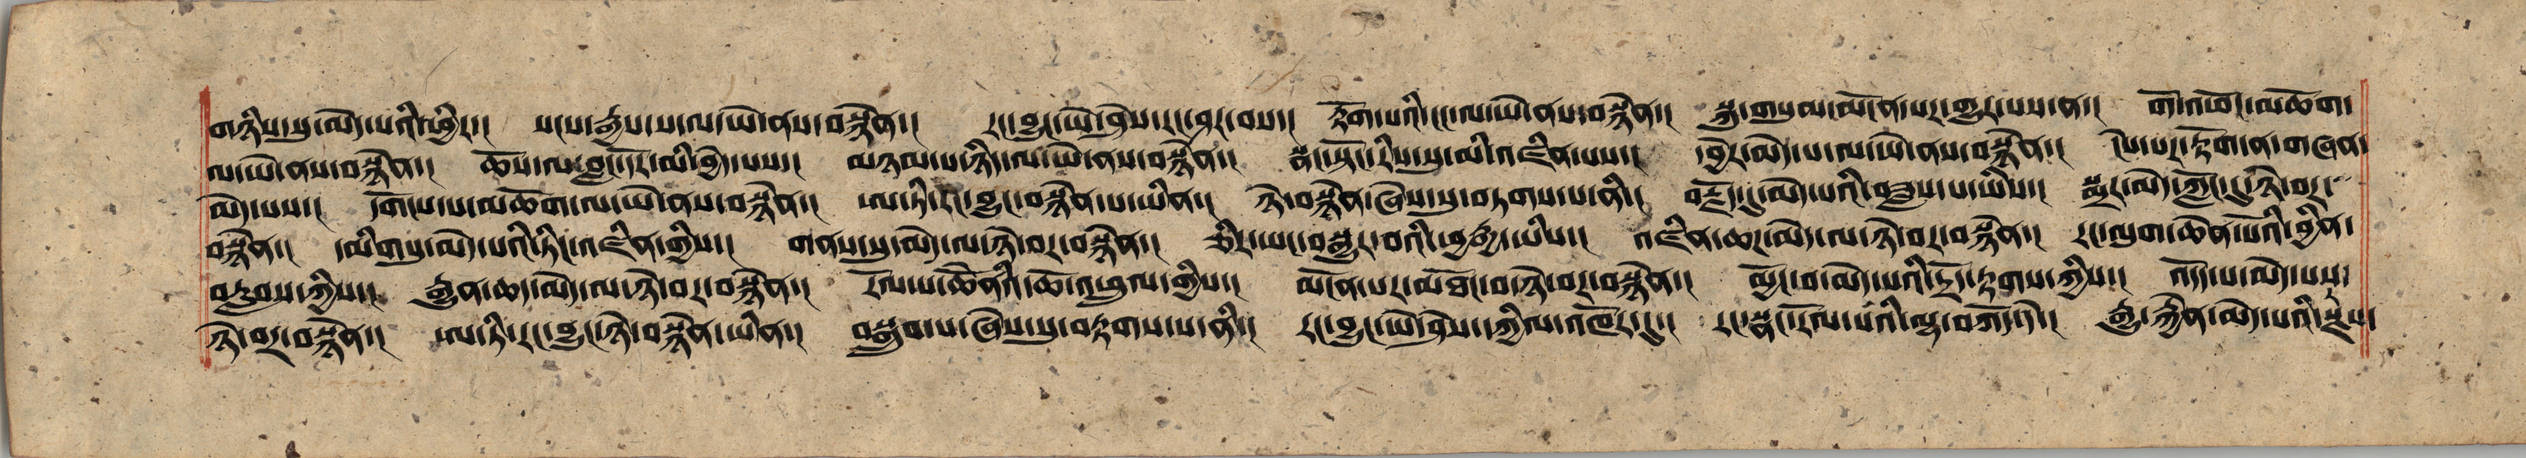གཉིས་སུ་མེད་པའི་ཕྱིར་། སངས་རྒྱས་ས་ལ་ཡེ་ནས་བསྙེན་། རང་བྱུང་ཡེ་ཤེས་རང་ཤར་བས་། རྟོག་པའི་ངང་ལ་ཡེ་ནས་བསྙེན་། སྐུ་གསུམ་མངོན་པར་གྱུར་པས་ན་། གོ་འཕོང་མཆོག་
ལ་ཡེ་ནས་བསྙེན་། ཆོས་ལ་བླང་དོར་མི་བྱེད་པས་། མཉམ་པ་ཉིད་ལ་ཡེ་ནས་བསྙེན་། སྣང་སྟོང་རིས་སུ་མི་འཛིན་པས་། དབྱེར་མེད་པ་ལ་ཡེ་ནས་བསྙེན་། ངེས་པར་རྟོག་ན་གཞན་
མེད་པས་། དགོངས་པ་མཆོག་ལ་ཡེ་ནས་བསྙེན་། ཨ་ཏི་རང་བྱུང་བསྙེན་པ་ཡིན་། ཉེ་བསྙེན་ཞེས་སུ་བཏགས་པ་ནི་། བརྗོད་དུ་མེད་པའི་བཟླས་པ་ཡིས་། སྨྲར་མེད་ཀློང་དུ་ཉི་བར་
བསྙེན་། དམིགསུ་མེད་པའི་ཏིང་འཛིན་གྱིས་། གནས་སུ་མེད་ལ་ཉེ་བར་བསྙེན་། ཅིར་ཡང་བསྒྱུར་བའི་ཕྱརྒྱ་ཡིས་། འཛིན་ཆཌ་མེད་ལ་ཉེ་བར་བསྙེན་། རང་ལུག་ཆེན་པོའི་བྱིན་
བརླབས་ཀྱིས་། རྒྱུན་ཆད་མེད་ལ་ཉེ་བར་བསྙེན་། རོལ་པ་ཆེནོའི་ཆོ་འཕྲུལ་གྱིས་། མངོན་པར་མཐོང་བ་ཉེ་བར་བསྙེན་། མྱོང་བ་མེད་པའི་དྲོད་རྟགས་ཀྱིས་། འདོད་པ་མེད་པས་
ཉེ་བར་བསྙེན་། ཨ་ཏི་རང་བྱུང་ཉེ་བསྙེན་ཡིན་། བསྒྲུབ་པ་ཞེས་སུ་བརྟགས་པ་ནི་། རང་བྱུང་ཡེ་ཤེས་དཀྱིལ་འཁོར་དུ་། རང་སྣང་རོལ་པའི་ལྷ་བཀོད་དེ་། རྒྱུ་རྐྱེན་མེད་པའི་རྗེས་